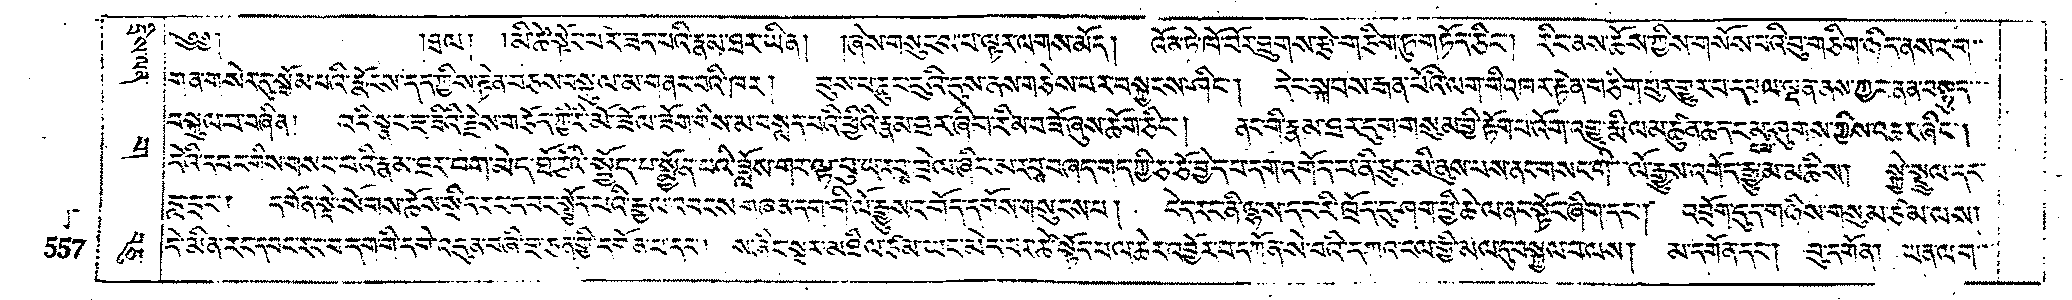༄༅། །ཐལ། །མི་ཚེ་སྟོང་པར་ཟད་པའི་རྣམ་ཐར་ཡིན། །ཞེས་གསུངས་པ་ལྟར་ལགས་མོད། འོན་ཏེ་ཁོ་བོར་ཐུགས་རྩེ་གཅིག་ཏུ་གཏོད་ཅིང་། རིང་ནས་ཆོས་ཀྱིས་གསོས་པའི་བུ་གཅིག་ཉིད་ནས་རག་་་
གན་གསེར་དུ་སྒོམ་པའི་རྨོངས་དད་ཀྱིས་རྟེན་བཅས་བསྐུལ་མ་གནང་བའི་ཁར། བུས་པ་ཆུང་ངུའི་དུས་ནས་གཅེས་པར་བསྐྱངས་ཤིང་། དེང་སྐབས་རྒན་པོའི་ལག་གི་འཁར་རྟེན་གཅིག་པུར་གྱུར་པ་དཔལ་ལྡན་ནས་ཀྱང་ནན་བསྟུད་་་
བསྐུལ་བ་བཞིན། འདི་སྣང་ཟ་ཟིའི་རྗེས་གཅོད་ཀྱི་རི་མོ་ཟོལ་ཟོག་གིས་མ་བསླད་པའི་ཕྱིའི་རྣམ་ཐར་ཞིག་རིམ་བཟོ་ཞུས་ཆོག་ཅིང་། ནང་གི་རྣམ་ཐར་དུག་གསུམ་གྱི་རྟོག་པ་འོག་འགྱུ་རྨི་ལམ་ཚུན་ཆད་ངམ་ངམ་ཤུགས་ཀྱིས་འཆར་ཞིང་།
དེའི་དབང་གིས་གསང་བའི་རྣམ་ཐར་བག་མེད་ཐོ་ཅོའི་སྤྱོད་པ་སྨྱོན་པའི་ཟློས་གར་ལྟ་བུ་ཡ་རབས་ཁྲེལ་ཞིང་མ་རབས་བཞད་གད་ཀྱི་ཅ་ཅོ་བྱེད་པ་དག་འགོད་པ་ནི་ཅུང་མི་ནུས་པས་ནང་གསང་གི་ལོ་རྒྱུས་འགོད་རྒྱུ་མ་མཆིས། སྐྱེ་སྤྲུལ་དང་
བླ་བྲང་། དགོངས་དེ་སོགས་ཆོས་སྲིད་རང་དབང་སྤྱོད་པའི་རྒྱལ་འབངས་གཞན་དག་གི་ལོ་རྒྱུས་འགོད་དགོས་གསུངས་པ། ངེད་རང་ནི་ལྷ་ས་དང་རི་ཁྲོད་དུ་ཤག་ཕྱི་ཆེ་ལ་ནང་སྟོང་ཞིག་དང་། འབྲོག་དུད་གཉིས་གསུམ་ཙམ་ལས།
དེ་མིན་རང་དབང་རང་བདག་གི་དགེ་འདུན་བཞི་གྲ་ཅན་གྱི་དགོན་པ་དང་། ས་ཞིང་སྦར་མཐིལ་ཙམ་ཡང་མེད་པར་ཚེ་སྟོད་ཕལ་ཆེར་འབྱོར་བ་དཀོན་སེ་བའི་དཀའ་ངལ་གྱི་མལ་དུ་བསྐྱལ་བ་ལས། མ་དགོན་དང་། བུ་དགོན། ཡན་ལག་་་